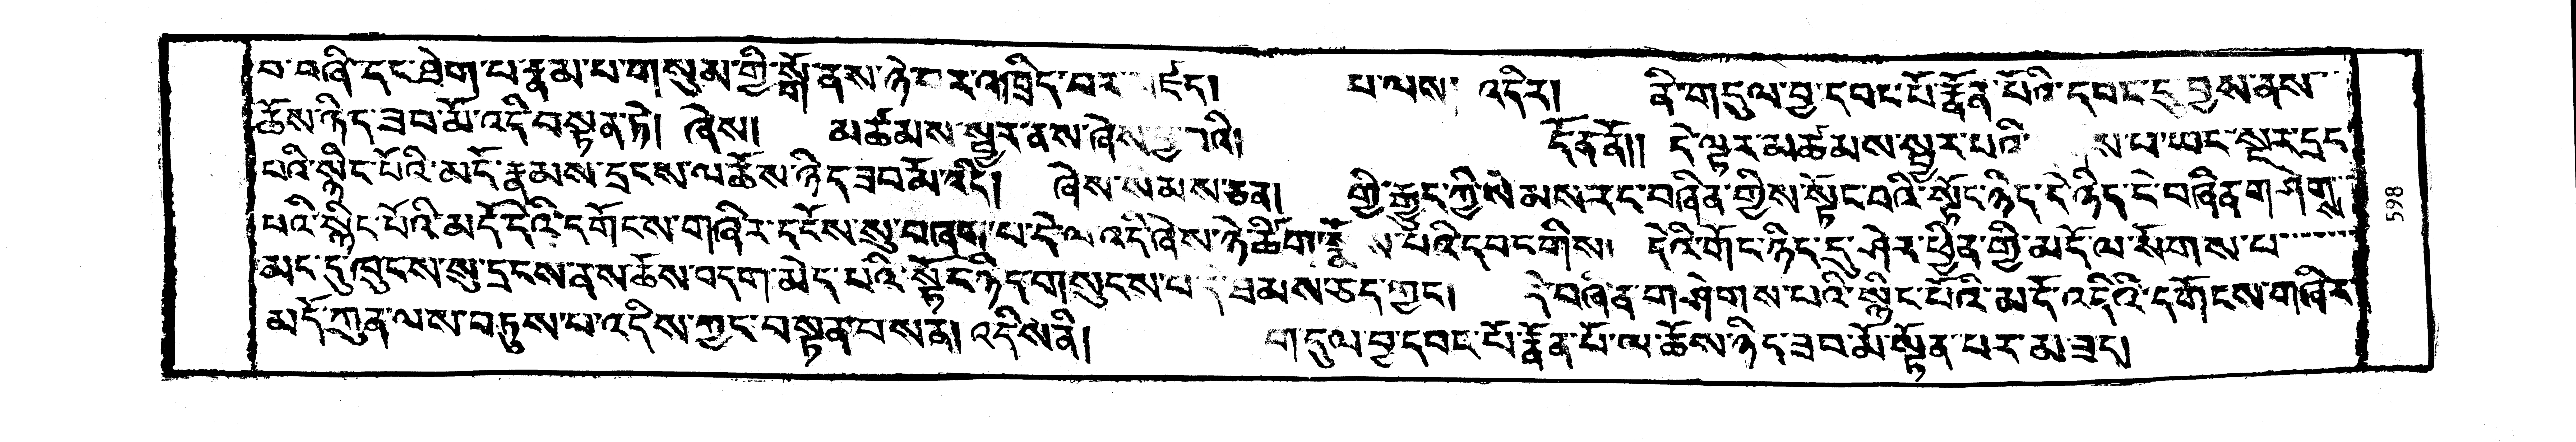བ་བཞི་དང་ཐེག་པ་རྣམ་པ་གསུམ་གྱི་སྒོ་ནས་ཉེ་བར་འཁྲིད་བར་མཛད། པ་ལས། འདིར། ནི་གདུལ་བྱ་དབང་པོ་རྣོན་པོའི་དབང་དུ་བྱས་ནས་
ཆོས་ཉིད་ཟབ་མོ་འདི་བསྟན་ཏེ། ཞེས། མཚམས་སྦྱར་ནས་ཞེས་བྱ་བའི། དོན་ནོ། །དེ་ལྟར་མཚམས་སྦྱར་པའི་དགོས་པ་ཡང་སྔར་དྲང་
པའི་སྙིང་པོའི་མདོ་རྣམས་དྲངས་ལ་ཆོས་ཉིད་ཟབ་མོ་འདི། ཞེས་སེམས་ཅན། གྱི་རྒྱུད་ཀྱི་སེམས་རང་བཞིན་གྱིས་སྟོང་བའི་སྟོང་ཉིད་དེ་ཉིད་དེ་བཞིན་གཤེགས་
པའི་སྙིང་པོའི་མདོ་དེའི་དགོངས་གཞིར་དངོས་སུ་བཞག་པ་དེ་ལ་འདི་ཞེས་ཉེ་ཚིག་སྨོས་པའི་དབང་གིས། དེའི་གོང་ཉིད་དུ་ཤེར་ཕྱིན་གྱི་མདོ་ལ་སོགས་པ་
མང་དུ་ཁུངས་སུ་དྲངས་ནས་ཆོས་བདག་མེད་པའི་སྟོང་ཉིད་གསུངས་པ་དེ་ཐམས་ཅད་ཀྱང་། དེ་བཞིན་གཤེགས་པའི་སྙིང་པོའི་མདོ་འདིའི་དགོངས་གཞིར་
མདོ་ཀུན་ལས་བཏུས་པ་འདིས་ཀྱང་བསྟན་པས་ན། འདིས་ནི། གདུལ་བྱ་དབང་པོ་རྣོན་པོ་ལ་ཆོས་ཉིད་ཟབ་མོ་སྟོན་པར་མ་ཟད།